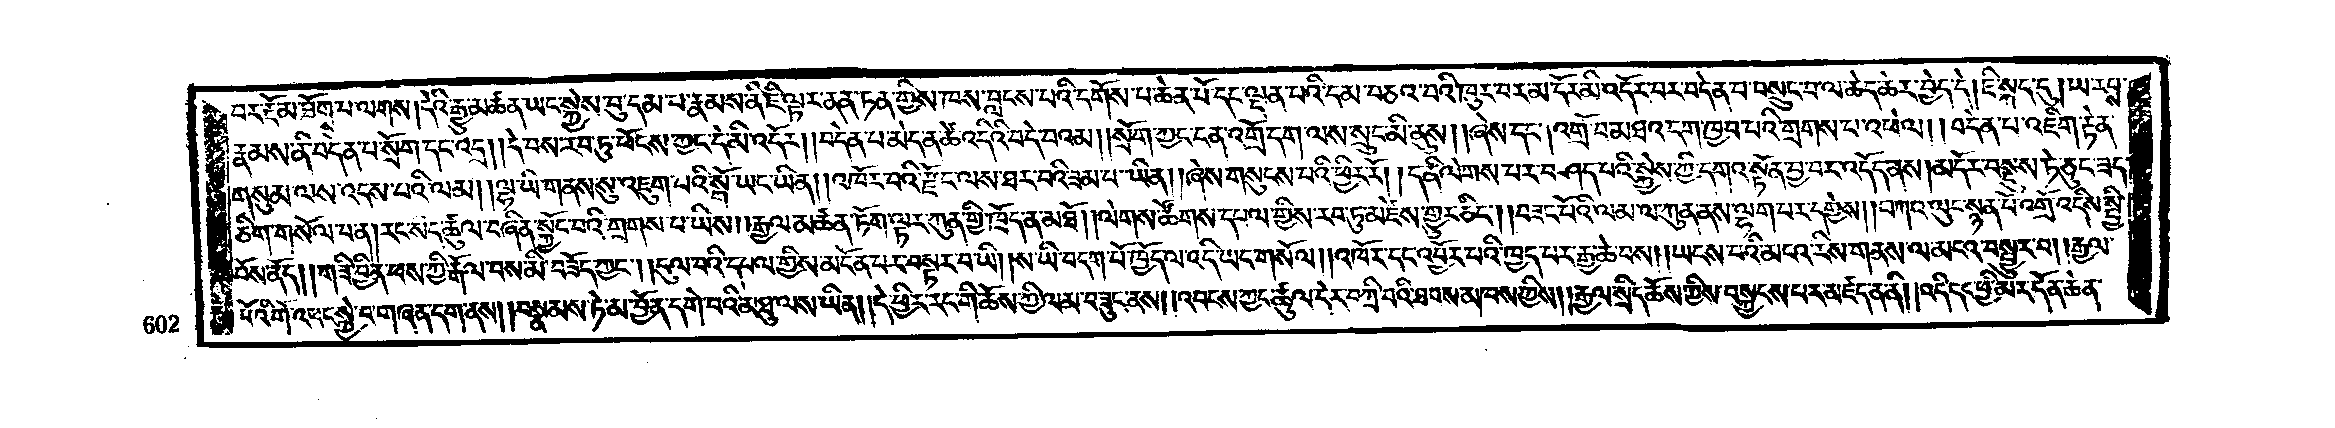བར་རྔོ་མ་ཐོགས་པ་ལགས། དེའི་རྒྱུ་མཚན་ཡང་སྐྱེས་བུ་དམ་པ་རྣམས་ནི་ཇི་ལྟར་ནན་ཏན་གྱིས་ཁས་བླངས་པའི་དགོས་པ་ཆེན་པོ་དང་ལྡན་པའི་དམ་བཅའ་བའི་ཁུར་བར་མ་དོར་མི་འདོར་བར་བདེན་པ་བསྲུང་བ་ལ་ཆེད་ཆེར་བྱེད་དེ། ཇི་སྐད་དུ། ཡ་རབས་
རྣམས་ནི་བདེན་པ་སྲོག་དང་འདྲ། །དེ་བས་རབ་ཏུ་ཕོངས་ཀྱང་དེ་མི་འདོར། །བདེན་པ་མེད་ན་ཚེ་འདིའི་བདེ་བའམ། །སྲོག་ཀྱང་ངན་འགྲོ་དག་ལས་སྲུང་མི་ནུས། །ཞེས་དང་། འགྲོ་བ་མཐའ་དག་ཁྱབ་པའི་གྲགས་པ་འཕེལ། །བདེན་པ་འཇིག་རྟེན་
གསུམ་ལས་འདས་པའི་ལམ། །ལྷ་ཡི་གནས་སུ་འཇུག་པའི་སྒོ་ཡང་ཡིན། །འཁོར་བའི་རྫོང་ལས་ཐར་བའི་ཟམ་པ་ཡིན། །ཞེས་གསུངས་པའི་ཕྱིར་རོ། །ད་ནི་ལེགས་པར་བཤད་པའི་སྐྱེས་ཀྱི་དགའ་སྟོན་བྱ་བར་འདོད་ནས། མདོར་བསྡུས་ཏེ་ཅུང་ཟད་
ཅིག་གསོལ་བ་ནི། རང་སྲོད་ཚུལ་བཞིན་སྐྱོང་བའི་གྲགས་པ་ཡིས། །རྒྱལ་མཚན་ཏོག་ལྟར་ཀུན་གྱི་ཁྲོད་ན་མཐོ། །ལེགས་ཚོགས་དཔལ་གྱིས་རབ་ཏུ་མཛེས་གྱུར་ཅིང་། །བཟང་པོའི་ལམ་ལ་ཀུན་ནས་ལྷག་པར་དགྱེས། །བཀའ་ལུང་སྙན་པོ་འགྲོ་འདིས་སྤྱི་
བོས་ནོད། །གཟི་བྱིན་ཕས་ཀྱི་རྒོལ་བས་མི་བཟོད་ཀྱང་། །དུལ་བའི་དཔལ་གྱིས་མངོན་པར་བསྟར་བ་ཡི། །ས་ཡི་བདག་པོ་ཁྱོད་ལ་འདི་ཡང་གསོལ། །འཁོར་དང་འབྱོར་བའི་ཁྱད་པར་རྒྱ་ཆེ་བས། །ཡངས་པའི་མངའ་རིས་གནས་ལ་མངའ་བསྒྱུར་བ། །རྒྱལ་
པོའི་གོ་འཕང་སྐྱེ་བ་གཞན་དག་ནས། །བསྣམས་ཏེ་མ་བྱོན་དགེ་བའི་མཐུ་ལས་ཡིན། །དེ་ཕྱིར་རང་གི་ཆོས་ཀྱི་ལམ་བཟུང་ནས། །འབངས་ཀྱང་ཚུལ་དེར་བཀྲི་བའི་ཐབས་མཁས་ཀྱིས། །རྒྱལ་སྲིད་ཆོས་ཀྱིས་བསྐྱངས་པར་མཛད་ན་ནི། །འདི་དང་ཕྱི་མར་དོན་ཆེན་